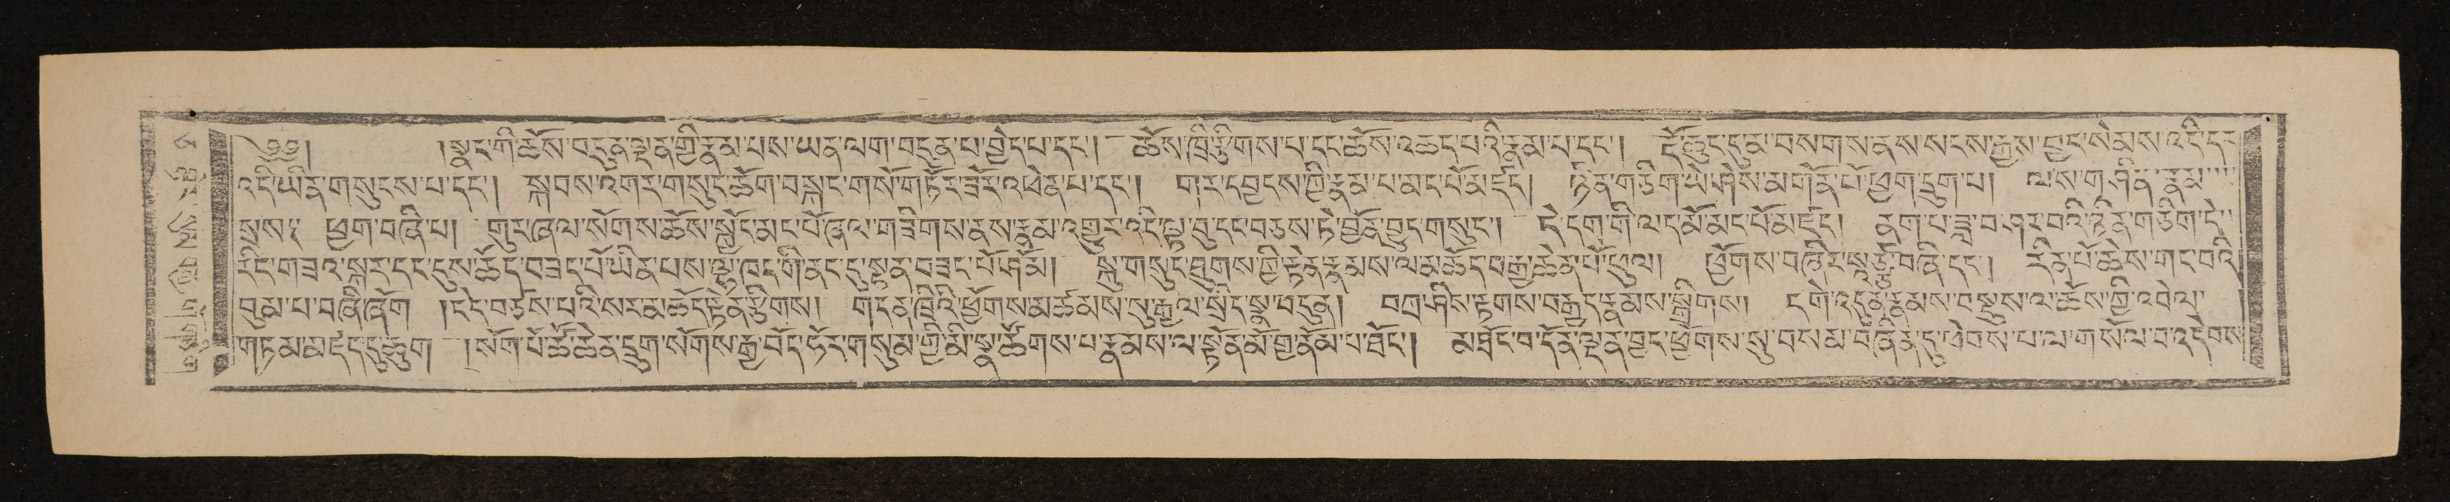༄༅། །སྣང་གི་ཆོས་བདུན་ལྡན་གྱི་རྣམ་པས་ཡན་ལག་བདུན་པ་བྱེད་པ་དང་། ཆོས་ཁྲི་རྩིགས་པ་དང་ཆོས་འཆད་པའི་རྣམ་པ་དང་། རྡོ་ཆུང་དུ་མ་བསགས་ནས་སངས་རྒྱས་བྱང་སེམས་འདི་དང་
འདི་ཡིན་གསུངས་པ་དང་། སྐབས་འགར་གསུང་ཆོག་བསྐང་གསོ་གཏོར་ཟོང་འཕེན་པ་དང་། གར་དབྱངས་ཀྱི་རྣམ་པ་མང་པོ་མཛད། ཉིན་གཅིག་ཡེ་ཤེས་མགོན་པོ་ཕྱག་དྲུག་པ། ལས་གཤིན། རྣམ་
སྲས༑ ཕྱག་བཞི་པ། གུར་ཞལ་སོགས་ཆོས་སྐྱོང་མང་པོ་ཞལ་གཟིགས་ནས་རྣམ་འགྱུར་འདི་ལྟ་བུ་དང་བཅས་ཏེ་བྱོན་བྱུང་གསུང་། དེ་དག་གི་ལང་མོ་མང་པོ་མཛད། ནག་པ་ཟླ་བ་ཤར་བའི་ཉིན་གཅིག་དེ་
རིང་གཟའ་སྐར་དང་དུས་ཚོད་བཟང་པོ་ཡིན་པས་ལྷ་ཁང་གི་ནང་དུ་སྟན་བཟང་པོ་ཤོམ། སྐུ་གསུང་ཐུགས་ཀྱི་རྟེན་རྣམས་ལ་མཆོད་པ་རྒྱ་ཆེན་པོ་ཕུལ། ཕྱོགས་བཞིར་སཱ་ཙྪ་བཞི་དང་། རིན་པོ་ཆེས་གང་བའི་
བུམ་པ་བཞི་ཞོག །དེང་བཙས་པའི་སར་མཆོད་རྟེན་རྩིགས། གདན་ཁྲིའི་ཕྱོགས་མཚམས་སུ་རྒྱལ་སྲིད་སྣ་བདུན། བཀྲ་ཤིས་རྟགས་བརྒྱད་རྣམས་སྒྲིགས། དགེ་འདུན་རྣམས་བསྡུས་ལ་ཆོས་ཀྱི་འབེལ་
གཏམ་མཛད་དུ་ཆུག །སོག་པོ་ཚོ་ཆེན་དྲུག་སོགས་རྒྱ་བོད་ཧོར་གསུམ་གྱི་མི་སྣ་ཚོགས་པ་རྣམས་ལ་སྟོན་མོ་གྱ་ནོམ་པ་ཐོང་། མཐོང་བ་དོན་ལྡན་བྱང་ཕྱོགས་སུ་བསམ་བཞིན་དུ་ཕེབས་པ་ལ་གསོལ་བ་འདེབས་